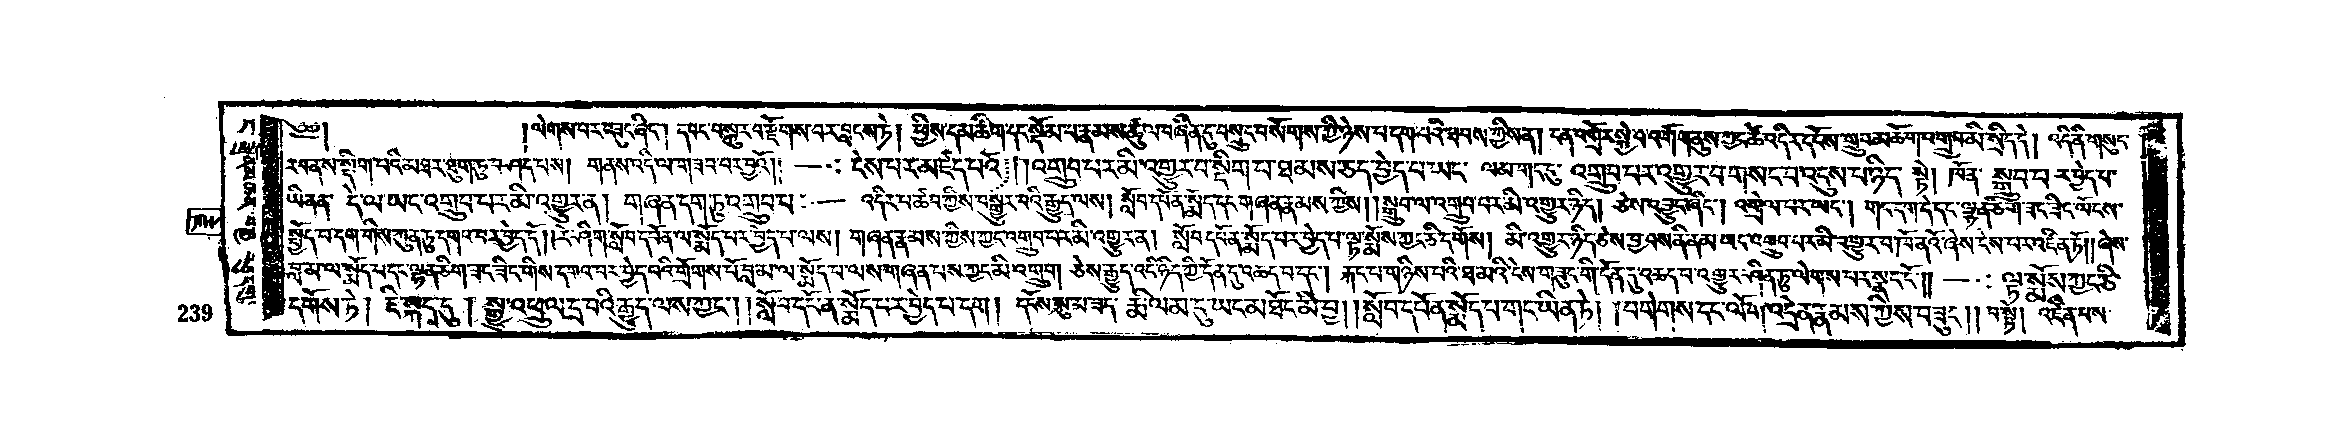༄༅། །ལེགས་པར་བཟུང་ཞིང་། དབང་བསྐུར་བ་རྫོགས་པར་བླངས་ཏེ། ཕྱིས་དམ་ཚིག་དང་སྡོམ་པ་རྣམས་ཚུལ་བཞིན་དུ་བསྲུང་བ་སོགས་ཀྱི་ཉེས་པ་དག་པའི་ཐབས་བྱས་ན། ངན་འགྲོར་སྐྱེ་བ་འགོག་ནུས་ཀྱང་ཚེ་འདིར་དངོས་གྲུབ་མཆོག་འགྲུབ་མི་སྲིད་དེ། འདི་ནི་གསུང་
རབ་ནས་སྡིག་པའི་མཐར་ཐུག་ཏུ་བཤད་པས། གནས་འདི་ལ་གཟབ་པར་བྱའོ།། .H ངེས་པར་མཛད་པའོ། །འགྲུབ་པར་མི་འགྱུར་བ་སྡིག་པ་ཐམས་ཅད་བྱེད་པ་ཡང་ལམ་གང་དུ་འགྲུབ་པར་འགྱུར་བ་གསང་བ་འདུས་པ་ཉིད་སྟེ། ཁོ་ན་སྒྲུབ་པར་བྱེད་པ་
ཡིན་ན་དེ་ལ་ཡང་འགྲུབ་པར་མི་འགྱུར་ན། གཞན་དག་ཏུ་འགྲུབ་པ་H.་འདིར་པ་ཚབ་ཀྱིས་བསྒྱུར་བའི་རྒྱུད་ལས། སློབ་དཔོན་སྨོད་དང་གཞན་རྣམས་ཀྱིས། །སྒྲུབ་ལ་འགྲུབ་པར་མི་འགྱུར་ཉིད། ཅེས་འབྱུང་ཞིང་། འགྲེལ་པར་ཡང་། གང་དག་དེ་དང་ལྷན་ཅིག་ཟང་ཟིང་ལོངས་
སྤྱོད་པ་དག་གིས་ཀུན་ཏུ་དགའ་བར་བྱེད་དོ། །རེ་ཤིག་སློབ་དཔོན་ལ་སྨོད་པར་བྱེད་པ་ལས། གཞན་རྣམས་ཀྱིས་ཀྱང་འགྲུབ་པར་མི་འགྱུར་ན། སློབ་དཔོན་སྨོད་པར་བྱེད་པ་ལྟ་སྨོས་ཀྱང་ཅི་དགོས། མི་འགྱུར་ཉིད་ཅེས་བྱ་བས་ནི་ནམ་ཡང་འགྲུབ་པར་མི་འགྱུར་བ་ཁོ་ནའོ་ཞེས་ངེས་པར་འཛིན་ཏོ། །ཞེས་
བླ་མ་ལ་སྨོད་པ་དང་ལྷན་ཅིག་ཟང་ཟིང་གིས་དགའ་བར་བྱེད་པའི་གྲོགས་པོ་བླ་མ་ལ་སྨོད་པ་ལས་གཞན་པས་ཀྱང་མི་འགྲུབ། ཅེས་རྒྱུད་འདི་ཉིད་ཀྱི་དོན་དུ་འཆད་པ་དང་། རྐང་པ་གཉིས་པའི་ཐ་མའི་ངེས་གཟུང་གི་དོན་དུ་འཆད་པ་འགྱུར་ཤིན་ཏུ་ལེགས་པར་སྣང་ངོ།། .H ལྟ་སྨོས་ཀྱང་ཅི་
དགོས་ཏེ། ཇི་སྐད་དུ། སྒྱུ་འཕྲུལ་དྲ་བའི་རྒྱུད་ལས་ཀྱང་། །སློབ་དཔོན་སྨོད་པར་བྱེད་པ་དག །དངོས་སུ་མ་ཟད་རྨི་ལམ་དུ་ཡང་མཐོང་མི་བྱ། །སློབ་དཔོན་སྨོད་པ་གང་ཡིན་ཏེ། །བགེགས་དང་ལོག་འདྲེན་རྣམས་ཀྱིས་བཟུང་། ། བ་སྟེ། འཛིན་པས